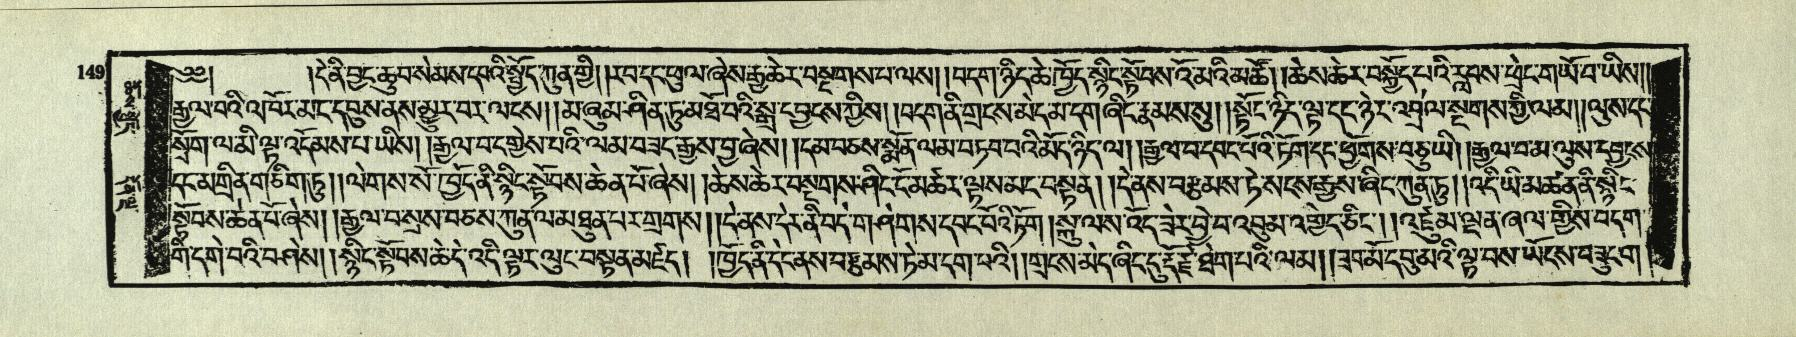༄༅། །དེ་ནི་བྱང་ཆུབ་སེམས་དཔའི་སྤྱོད་ཀུན་གྱི། །རབ་དང་ཕུལ་ཞེས་རྒྱ་ཆེར་བསྔགས་པ་ལས། །བདག་ཉིད་ཆེ་ཁྱོད་སྙིང་སྟོབས་འོ་མའི་མཚོ། །ཆེས་ཆེར་བསྐྱོད་པའི་རླབས་ཕྲེང་གཡོ་བ་ཡིས།།
རྒྱལ་བའི་འཁོར་མང་དབུས་ནས་མྱུར་བར་ལངས། །མ་ཞུམ་ཤིན་ཏུ་མཐོ་བའི་སྒྲ་དབྱངས་ཀྱིས། །བདག་ནི་གྲངས་མེད་མ་དག་ཞིང་རྣམས་སུ། །སྟོང་ཉིད་ལྟ་དང་ཉེར་འབྲེལ་སྔགས་ཀྱི་ལམ། །ལུས་དང་
སྲོག་ལ་མི་ལྟ་འདོམས་པ་ཡིས། །རྒྱལ་བ་དགྱེས་པའི་ལམ་བཟང་རྒྱས་བྱ་ཞེས། །དམ་བཅས་སྨོན་ལམ་བཏབ་པའི་མོད་ཉིད་ལ། །རྒྱལ་བ་དབང་པོའི་ཏོག་དང་ཕྱོགས་བཅུ་ཡི། །རྒྱལ་བ་མ་ལུས་དབྱངས་
དང་མགྲིན་གཅིག་ཏུ། །ལེགས་སོ་ཁྱོད་ནི་སྙིང་སྟོབས་ཆེན་པོ་ཞེས། །ཆེས་ཆེར་བསྔགས་ཤིང་ངོ་མཚར་ལྟས་མང་བསྟན། །དེ་ནས་བརྩམས་ཏེ་སངས་རྒྱས་ཞིང་ཀུན་ཏུ། །འདི་ཡི་མཚན་ནི་སྙིང་
སྟོབས་ཆེན་པོ་ཞེས། །རྒྱལ་བ་སྲས་བཅས་ཀུན་ལ་མཐུན་པར་གྲགས། །དེ་ནས་དེར་ནི་བདེ་གཤེས་དབང་པོའི་ཏོག། །སྐུ་ལས་འོད་ཟེར་བྱེ་བ་འབུམ་འགྱེད་ཅིང་། །འཛུམ་ལྡན་ཞལ་གྱིས་བདག་
གི་དགེ་བའི་བཤེས། །སྙིང་སྟོབས་ཆེ་དེ་འདི་ལྟར་ལུང་བསྟན་མཛད། །ཁྱོད་ནི་དེང་ནས་བརྩམས་ཏེ་མ་དག་པའི། །གྲངས་མེད་ཞིང་དུ་རྡོ་རྗེ་ཐེག་པའི་ལམ། །ཟབ་མོ་དབུ་མའི་ལྟ་བས་ཡོངས་བཟུང་ག་